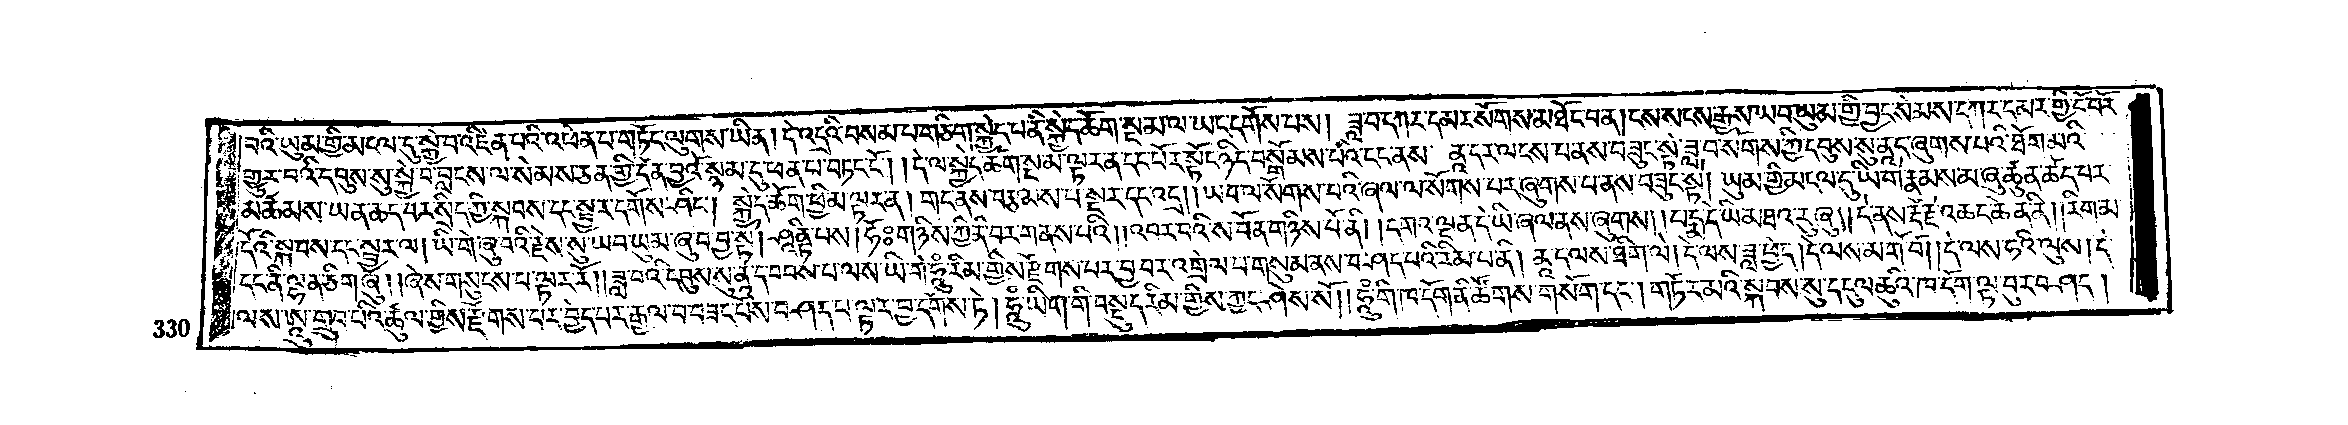བའི་ཡུམ་གྱི་མངལ་དུ་སྐྱེ་བ་འཛིན་པའི་འཕེན་པ་གཏོང་ལུགས་ཡིན། དེ་འདྲའི་བསམ་པ་གཅིག་སྐྱེད་པ་ནི་སྐྱེད་ཆོག་སྔ་མ་ལ་ཡང་དགོས་པས། ཟླ་བ་དཀར་དམར་སོགས་མཐོང་བ་ན། ངས་སངས་རྒྱས་ཡབ་ཡུམ་གྱི་བྱང་སེམས་དཀར་དམར་གྱི་ངོ་བོར་
གྱུར་བའི་དབུས་སུ་སྐྱེ་བ་བླངས་ལ་སེམས་ཅན་གྱི་དོན་བྱའོ་སྙམ་དུ་ཕེན་པ་བཏང་ངོ། །དེ་ལ་སྐྱེད་ཆོག་སྔ་མ་ལྟར་ན་དང་པོར་སྟོང་ཉིད་བསྒོམས་པའི་ངང་ནས། ནཱ་དར་ལངས་པ་ནས་བཟུང་སྟེ་ཟླ་བ་སོགས་ཀྱི་དབུས་སུ་ནཱ་ད་ཞུགས་པའི་ཐོག་མའི་
མཚམས་ཡན་ཆད་བར་སྲིད་ཀྱི་སྐབས་དང་སྦྱར་དགོས་ཤིང་། སྐྱེད་ཆོག་ཕྱི་མ་ལྟར་ན། གང་ནས་བརྩམས་པ་སྔར་དང་འདྲ། །ཡབ་ལ་སོགས་པའི་ཞལ་ལ་སོགས་པར་ཞུགས་པ་ནས་བཟུང་སྟེ། ཡུམ་གྱི་མངལ་དུ་ཡི་གེ་རྣམས་མ་ཞུ་ཚུན་ཆོད་བར་
དོའི་སྐབས་དང་སྦྱར་ལ། ཡི་གེ་ཞུ་བའི་རྗེས་སུ་ཡབ་ཡུམ་ཞུ་བ་བྱ་སྟེ། ཤཱནྟི་པས། ཧོཿ གཉིས་ཀྱི་ནི་བར་གནས་པའི། །འབར་བའི་ས་བོན་གཉིས་པོ་ནི། །དགའ་ལྡན་དེ་ཡི་ཞལ་ནས་ཞུགས། །པདམ་དེ་ཡི་མཐའ་རུ་ཞུ། །དེ་ནས་རྡོ་རྗེ་འཆང་ཆེན་ནི། །རིག་མ་
དང་ནི་ལྷན་ཅིག་ཞུ། །ཞེས་གསུངས་པ་ལྟར་རོ། །ཟླ་བའི་དབུས་སུ་ནཱ་ད་བབས་པ་ལས་ཡི་གེ་ཧཱུཾ་རིམ་གྱིས་རྫོགས་པར་བྱ་བར་འགྲེལ་པ་གསུམ་ནས་བཤད་པའི་རིམ་པ་ནི། ནཱ་ད་ལས་ཐིག་ལེ། དེ་ལས་ཟླ་ཕྱེད། དེ་ལས་མགོ་བོ། །དེ་ལས་ཧའི་ལུས། དེ་
ལས་ཨཱུ་གྲུབ་པའི་ཚུལ་གྱིས་རྫོགས་པར་བྱེད་པར་རྒྱལ་བ་བཟང་པོས་བཤད་པ་ལྟར་བྱ་དགོས་ཏེ། ཧཱུཾ་ཡིག་གི་བསྡུད་རིམ་གྱིས་ཀྱང་ཤེས་སོ། །ཧཱུཾ་གི་ཁ་དོག་ནི་ཚོགས་གསོག་དང་། གཏོར་མའི་སྐབས་སུ་དངུལ་ཆུའི་ཁ་དོག་ལྟ་བུར་བཤད།